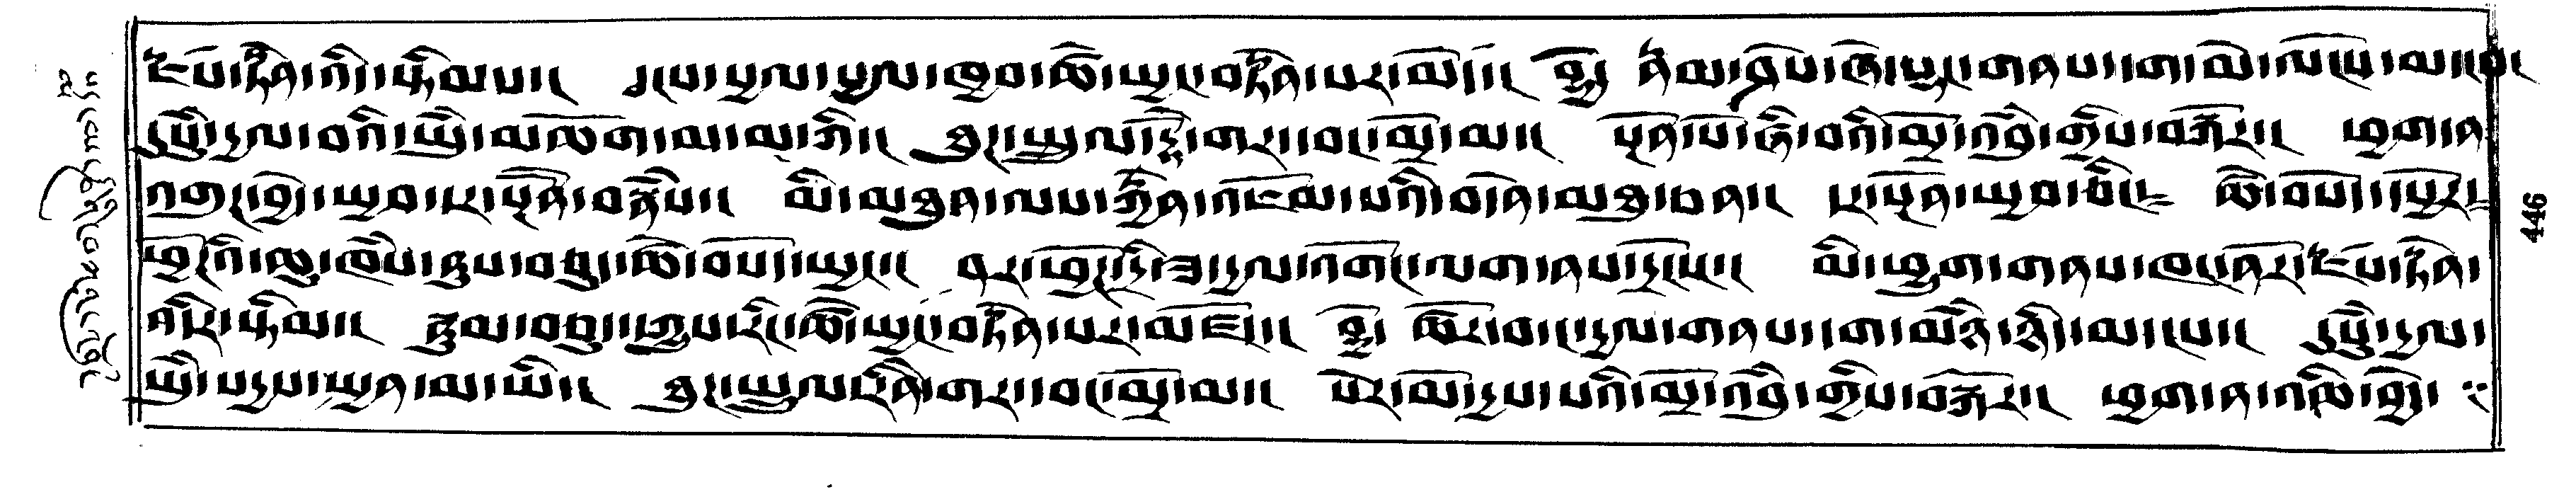རྫས་རྟེན་འདི་སྟིམས། །དྭངས་གསལ་གསལ་ཁྱབ་ཚེ་གཡང་བརྟན་པར་མཛོད།། བྷྱོ། རྣམ་ཤེས་ཞེ་སྡང་གནས་དག་ལེ་ལོང་མདངས། 
དུས་གསུམ་རྒྱལ་བའི་ཡུམ་མཆོག་མ་མ་ཀི། ཐུགས་སྤྲུལ་རྡོ་རྗེ་གར་དབང་མཁའ་འགྲོ་མ། །སྔོན་མོ་ཞི་བའི་མཁའ་འགྲོ་འབུམ་གྱིས་བསྐོར། །ཕྱག་ན་
འགུགས་བྱེད་གཡབ་དར་སྔོན་པོ་བསྣམས། །མི་མཐུན་ལས་རྐྱེན་འཇོམས་པའི་བདེན་མཐུ་ཅན། །དར་སྔོན་གཡབ་ཅིང༴ ཚེ་བསོད་དཔལ་འབྱོར། 
ཕྱོགས་བཅུའི་ཆུ་ཁམས་ནུས་བཅུད་ཚེ་བསོད་གཡང་། །ཤར་ཕྱོགས་དྲི་ཟ་རྒྱལ་འགོང་ལག་ནས་དྲོངས། །མི་ཕྱུགས་གནས་ཁང་ནོར་རྫས་རྟེན་
འདིར་སྟིམས། །སྣུམ་བཅུད་དཀྱུས་རིང་ཚེ་གཡང་བརྟན་པར་མཛོད། །བྷྱོ། ཚོར་བ་ང་རྒྱལ་གནས་དག་མཉམ་ཉིད་མདངས། །དུས་གསུམ་རྒྱལ་
ཡུམ་སངས་རྒྱས་སྤྱན་མ་ཡི། །ཐུགས་སྤྲུལ་རིན་ཆེན་གར་དབང་མཁའ་འགྲོ་མ། །སེར་མོ་རྒྱས་པའི་མཁའ་འགྲོ་འབུམ་གྱིས་བསྐོར། །ཕྱག་ན་འཆིང་བྱེད་